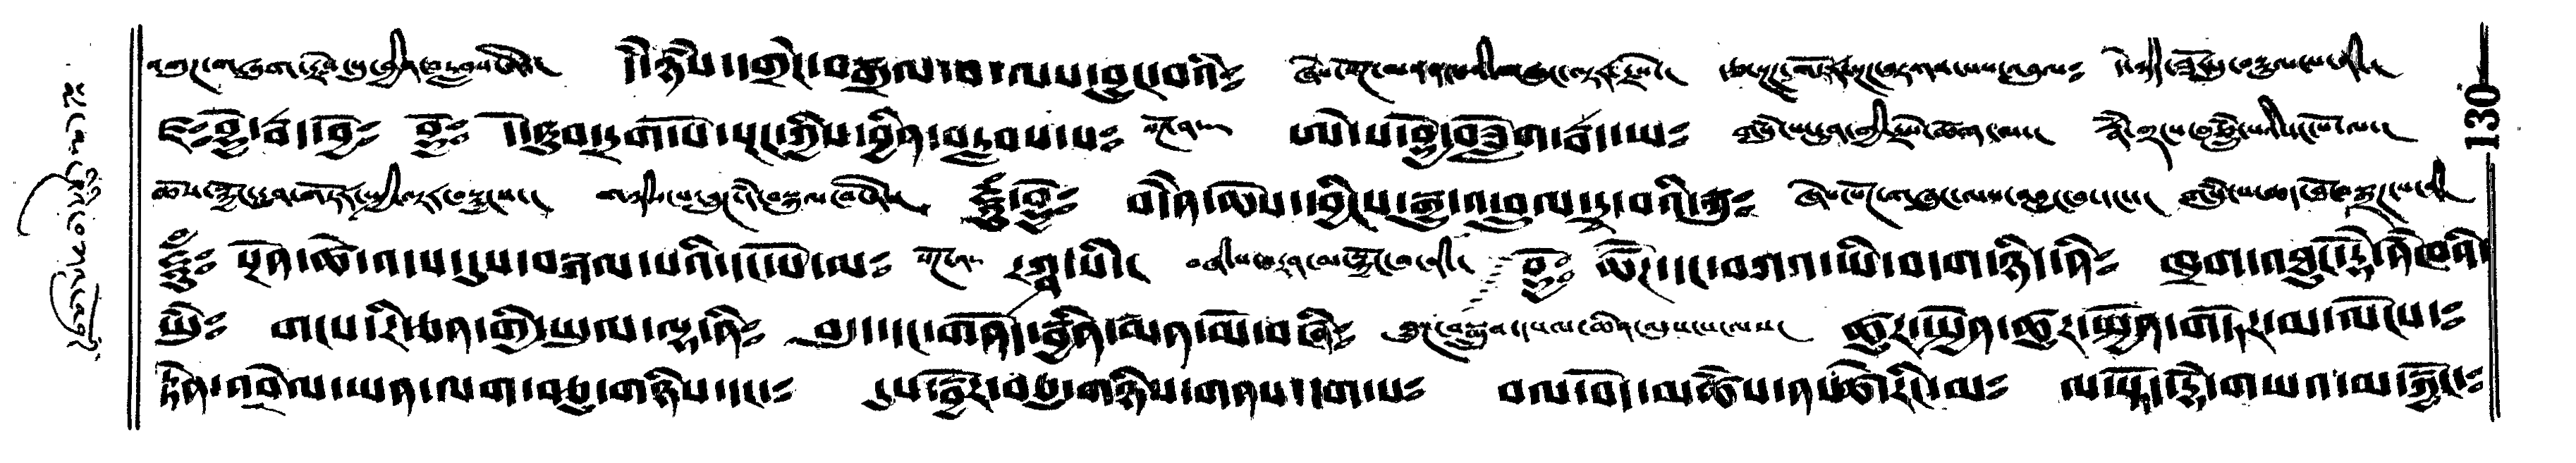། འགུགས་གཞུག་རྗེས་སུ་བྱིན་རླབས་ནི། དམ་ཉམས་དགྲ་བགེགས་བསྒྲལ་བ་ལས་བྱུང་བའི༔ ཞེས་སོགས་མནན་པའི་གཞུང་ལྟར་རྗེས། རྩ་སྔགས་གཏོར་སྔགས་བཏགས་པས་འབུལ། དེ་ཉིད་ཟོར་དུ་སྐུལ་པ་ནི། 
ཛཿབྷྱོ་རྦད་བྷྱོ༔ བྷྱོ༔ དོ་ནུབ་དྲག་པོ་སྔགས་ཀྱིས་བྱིན་བརླབས་པ༔ སོགས་ནས། ཨེ་ས་བྷྱོ་བཟློག་རྦད་ཡ༔ གསུམ་པ་རྒྱུན་གྱི་རྗེས་ཆོག་ལ། །རྣམ་གྲངས་བཅུ་གསུམ་དང་པོ་ལ། །
ཆོས་སྐྱོང་རྒྱུན་གཏོར་སྤྱི་ལྟར་བསྐྱང་། །གཉིས་པ་ཐུགས་དམ་སྐུལ་བ་ནི། ཧཱུྃ་བྷྱོ༔ བདེན་ཆེན་ཆོས་དབྱིངས་སྒྱུ་འཕྲུལ་དྲྭ་བའི་སྐུ༔ ཞེས་སོགས་གཞུང་ལས་འབྱུང་བ་དང་། །གསུམ་པ་ཆད་ཐོ་སྒྲོག་པ་ནི། 
ཧཱུྃ༔ སྔོན་ཚེ་འདས་དུས་བསྐལ་པའི་དང་པོ་ལ༔ སོགས་ནས། རཀྴ་སི༔ ཞེས་པའི་བར། བཞི་པ་བརྟན་མ་སྐྱོང་བ་ནི། བྷྱོ༔ ཚོགས་དང་བཀའ་ཡི་བདག་ཉིད་ནི༔ ཁྲག་འཐུང་རྡོ་རྗེ་ནམ་མཁའི་
ཡུམ༔ གངས་རི་ཅན་གྱི་ཡུལ་ལྷ་ནི༔བདུད་དང་གནོད་སྦྱིན་སྨན་མོ་བཞི༔ ཚུར་སྤྱོན་ཚུར་སྤྱོན་གཏོར་མ་ལོངས༔ 
རྟེན་འབྲེལ་ཡན་ལག་བཅུ་གཉིས་དང༔ དུས་སྦྱོར་བཅུ་གཉིས་གནས་དག་པ༔ བལ་བོད་མཚམས་ན་ཚེ་རིང་མ༔ ལ་སྟོད་རྡོ་རྗེ་གཡའ་མ་སྐྱོང༔